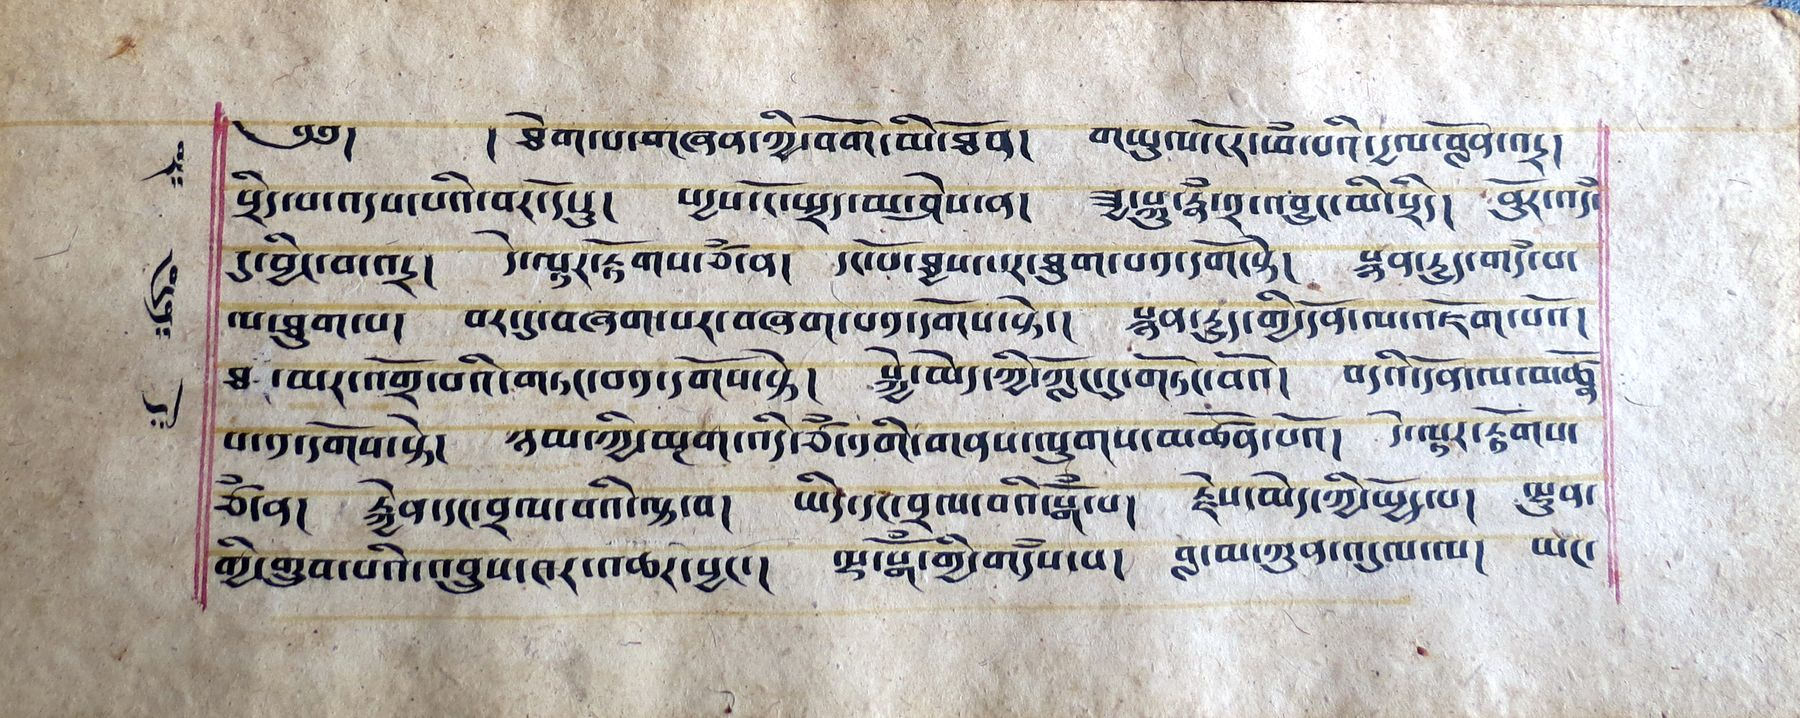ཐེག་པ་གཞན་གྱིས་བོག་མི་ཐོན། གཡུལ་ངོར་ཕམ་པའི་རྒྱལ་བློན་འདྲ། 
སྲིད་པ་འདས་པའི་བར་དོ་རུ། སངས་རྒྱས་ངོ་སྤྲད་མ་ཤེས་ན། གཟུགས་སྐུ་རྣམ་གཉིས་འབྱུང་མི་སྲིད། ནོར་བུ་འདམ་
དུ་བྱིང་བ་འདྲ། དེ་ལྟར་རྟོགས་ཙམ་ན། དང་པོ་ཐུགས་པར་ཐུགས་པ་ཅིག་དགོས་ཏེ། སྙན་རྒྱུད་གདམས་པ་
ལ་ཐུག་པ། བར་དུ་བཞག་པར་བཞག་པ་ཅིག་དགོས་ཏེ། སྙན་རྒྱུད་ཀྱི་དོན་ལ་འཇོག་པའོ། 
ཐ་མར་འགྲོ་བའི་གཏོང་བ་ཅིག་དགོས་ཏེ། སྐྱེ་མེད་ཀྱི་ཀློང་དུ་གཏོང་བའོ། །བརྡ་ཡིས་དོན་ལ་མཚོན་
པ་ཞིག་དགོས་ཏེ། ཉམས་ཀྱི་མན་ངག་འདི་ཙམ་དག་གི་གནས་ལུགས་མཚོན་པའོ། དེ་ལྟར་རྟོགས་
ཙམ་ན། རྐྱེན་དང་བྲལ་བའི་ལྟ་བ། ཡིད་དང་བྲལ་བའི་སྒོམ་པ། རྗེས་མེད་ཀྱི་སྤྱོད་པ། ལྷུན་
གྱིས་གྲུབ་པའི་འབྲས་བུ་བཞིར་འཆར་གསུངས། ལྷ་སྒོམ་གྱི་གདམས་པ། བླ་མ་ཀུན་འདུལ་ལ། ཡང་